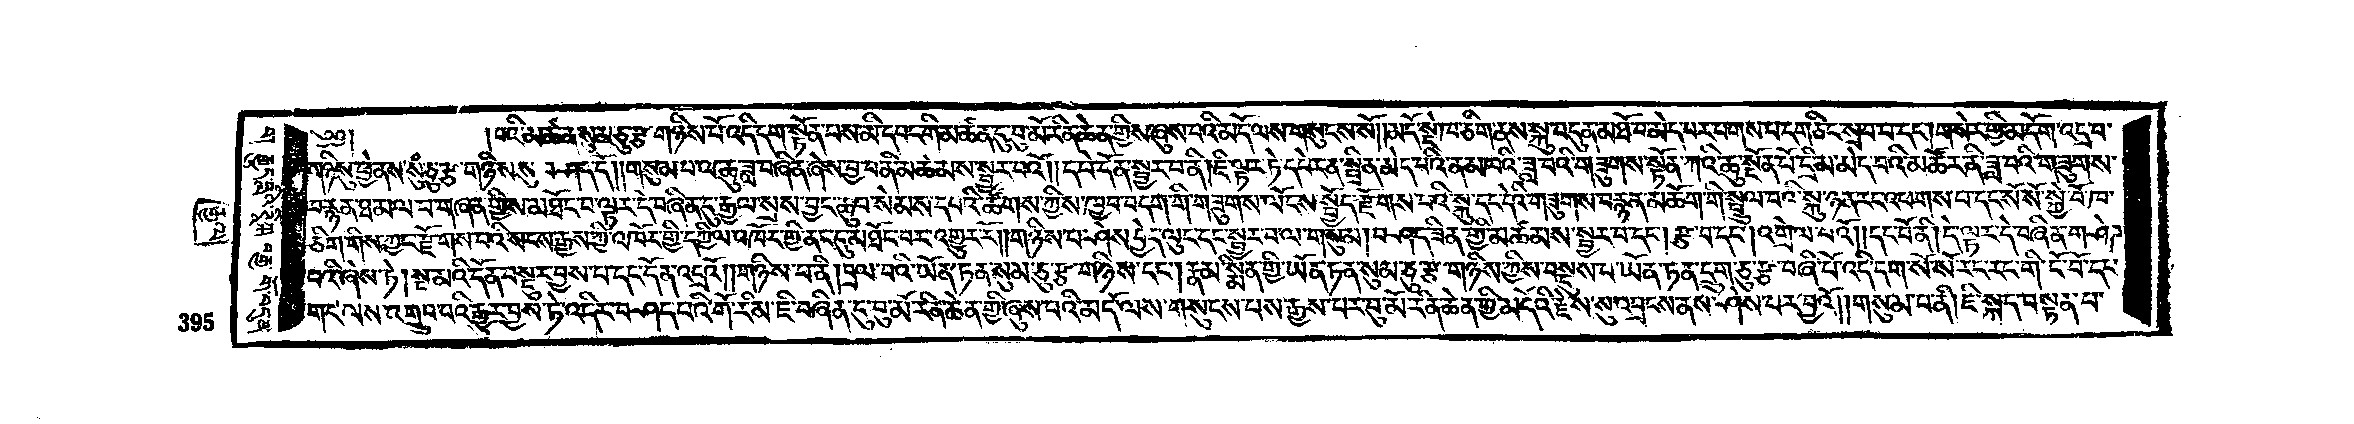༄༅། །པའི་མཚན་སུམ་ཅུ་རྩ་གཉིས་པོ་འདི་དག་སྟོན་པས་མི་དབང་གི་མཚན་དུ་བུ་མོ་རིན་ཆེན་གྱིས་ཞུས་པའི་མདོ་ལས་གསུངས་སོ། །མདོ་སྡེ་ཁ་ཅིག་ནས་སྐུ་བདུན་མཐོ་བ་མེད་པར་པགས་པ་དག་ཅིང་སྲབ་པ་དང་། གསེར་གྱི་མདོག་འདྲ་བ་
གཉིས་སུ་ཕྱེ་ནས་སུམ་ཅུ་རྩ་གཉིས་སུ་བཤད་དོ། །གསུམ་པ་ལ་ཆུ་ཟླ་བཞིན་ཞེས་བྱ་བ་ནི་མཚམས་སྦྱར་བའོ། །དཔེ་དོན་སྦྱར་བ་ནི། ཇི་ལྟར་ཏེ་དཔེར་ན་སྤྲིན་མེད་པའི་ནམ་མཁའི་ཟླ་བའི་གཟུགས་སྟོན་ཀའི་ཆུ་སྔོན་པོ་དྲི་མ་མེད་པའི་མཚོར་ནི་ཟླ་བའི་གཟུགས་
བརྙན་ཐམ་ལ་བ་གཞན་གྱིས་མཐོང་བ་ལྟར་དེ་བཞིན་དུ་རྒྱལ་སྲས་བྱང་ཆུབ་སེམས་དཔའི་ཚོགས་ཀྱིས་ཁྱབ་བདག་གི་གཟུགས་ལོངས་སྤྱོད་རྫོགས་པའི་སྐུ་དང་དེའི་གཟུགས་བརྙན་མཆོག་གི་སྤྲུལ་པའི་སྐུ་ཉན་རང་འཕགས་པ་དང་སོ་སོ་སྐྱེ་བོ་ཁ་
ཅིག་གིས་ཀྱང་རྫོགས་པའི་སངས་རྒྱས་ཀྱི་འཁོར་གྱི་དཀྱིལ་འཁོར་གྱི་ནང་དུ་མཐོང་བར་འགྱུར་རོ། །གཉིས་པ་ཤེས་བྱེད་ལུང་དང་སྦྱར་བ་ལ་གསུམ། བཤད་ཟིན་གྱི་མཚམས་སྦྱར་བ་དང་། རྩ་བ་དང་། འགྲེལ་པའོ། །དང་པོ་ནི། དེ་ལྟར་དེ་བཞིན་གཤེགས་
པའི་ཞེས་ཏེ། སྔ་མའི་དོན་བསྡུར་བྱས་པ་དང་དོན་འདྲའོ། །གཉིས་པ་ནི། བྲལ་བའི་ཡོན་ཏན་སུམ་ཅུ་རྩ་གཉིས་དང་། རྣམ་སྨིན་གྱི་ཡོན་ཏན་སུམ་ཅུ་རྩ་གཉིས་ཀྱིས་བསྡུས་པ་ཡོན་ཏན་དྲུག་ཅུ་རྩ་བཞི་པོ་འདི་དག་སོ་སོ་རང་རང་གི་ངོ་བོ་དང་
གང་ལས་འགྲུབ་པའི་རྒྱུར་བྱས་ཏེ་འདིར་བཤད་པའི་གོ་རིམ་ཇི་བཞིན་དུ་བུ་མོ་རིན་ཆེན་གྱི་ཞུས་པའི་མདོ་ལས་གསུངས་པས་རྒྱས་པར་བུ་མོ་རིན་ཆེན་གྱི་མདོའི་རྗེས་སུ་འབྲངས་ནས་ཤེས་པར་བྱའོ། །གསུམ་པ་ནི། ཇི་སྐད་བསྟན་པ་